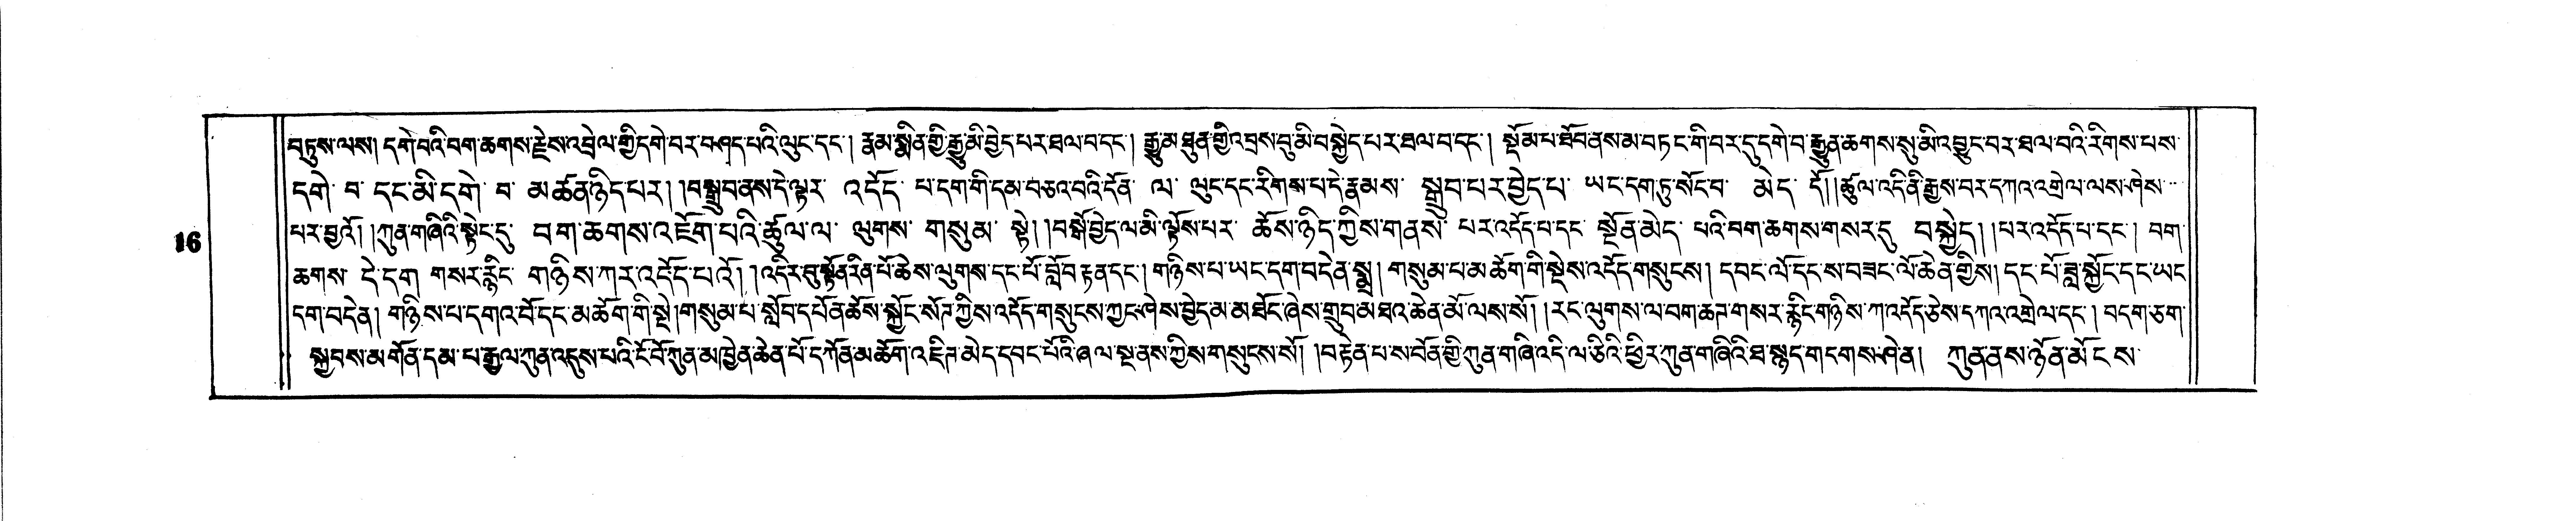བཏུས་ལས། དགེ་བའི་བག་ཆགས་རྗེས་འབྲེལ་གྱི་དགེ་བར་བཤད་པའི་ལུང་དང་། རྣམ་སྨིན་གྱི་རྒྱུ་མི་བྱེད་པར་ཐལ་བ་དང་། རྒྱུ་མཐུན་གྱི་འབྲས་བུ་མི་བསྐྱེད་པར་ཐལ་བ་དང་། སྡོམ་པ་ཐོབ་ནས་མ་བཏང་གི་བར་དུ་དགེ་བ་རྒྱུན་ཆགས་སུ་མི་འབྱུང་བར་ཐལ་བའི་རིགས་པས་
དགེ་བ་དང་མི་དགེ་བ་མཚན་ཉིད་པར། །བསྒྲུབ་ནས་དེ་ལྟར་འདོད་པ་དག་གི་དམ་བཅའ་བའི་དོན་ལ་ལུང་དང་རིགས་པ་དེ་རྣམས་སྒྲུབ་པར་བྱེད་པ་ཡང་དག་ཏུ་སོང་བ་མེད་དོ། །ཚུལ་འདི་ནི་རྒྱས་པར་དཀའ་འགྲེལ་ལས་ཤེས་
པར་བྱའོ། །ཀུན་གཞིའི་སྟེང་དུ་བག་ཆགས་འཇོག་པའི་ཚུལ་ལ་ལུགས་གསུམ་སྟེ། །བསྒོ་བྱེད་ལ་མི་ལྟོས་པར་ཆོས་ཉིད་ཀྱིས་གནས་པར་འདོད་པ་དང་སྔོན་མེད་པའི་བག་ཆགས་གསར་དུ་བསྐྱེད། །པར་འདོད་པ་དང་། བག་
ཆགས་དེ་དག་གསར་རྙིང་གཉིས་ཀར་འདོད་པའོ། །འདིར་བུ་སྟོན་རིན་པོ་ཆེས་ལུགས་དང་པོ་བློ་བརྟན་དང་། གཉིས་པ་ཡང་དག་བདེན་སྨྲ། གསུམ་པ་མཆོག་གི་སྡེས་འདོད་གསུངས། དབང་ལོ་དང་ས་བཟང་ལོ་ཆེན་གྱིས། དང་པོ་ཟླ་སྐྱོང་དང་ཡང་
དག་བདེན། གཉིས་པ་དགའ་བོ་དང་མཆོག་གི་སྡེ། གསུམ་པ་སློབ་དཔོན་ཆོས་སྐྱོང་སོགས་ཀྱིས་འདོད་གསུངས་ཀྱང་ཤེས་བྱེད་མ་མཐོང་ཞེས་གྲུབ་མཐའ་ཆེན་མོ་ལས་སོ། །རང་ལུགས་ལ་བག་ཆགས་གསར་རྙིང་གཉིས་ཀ་འདོད་ཅེས་དཀའ་འགྲེལ་དང་། བདག་ཅག་
སྐྱབས་མགོན་དམ་པ་རྒྱལ་ཀུན་འདུས་པའི་ངོ་བོ་ཀུན་མཁྱེན་ཆེན་པོ་དཀོན་མཆོག་འཇིགས་མེད་དབང་པོའི་ཞལ་སྔ་ནས་ཀྱིས་གསུངས་སོ། །བརྟེན་པ་ས་བོན་གྱི་ཀུན་གཞི་འདི་ལ་ཅིའི་ཕྱིར་ཀུན་གཞིའི་ཐ་སྙད་གདགས་ཤེ་ན། ཀུན་ནས་ཉོན་མོངས་